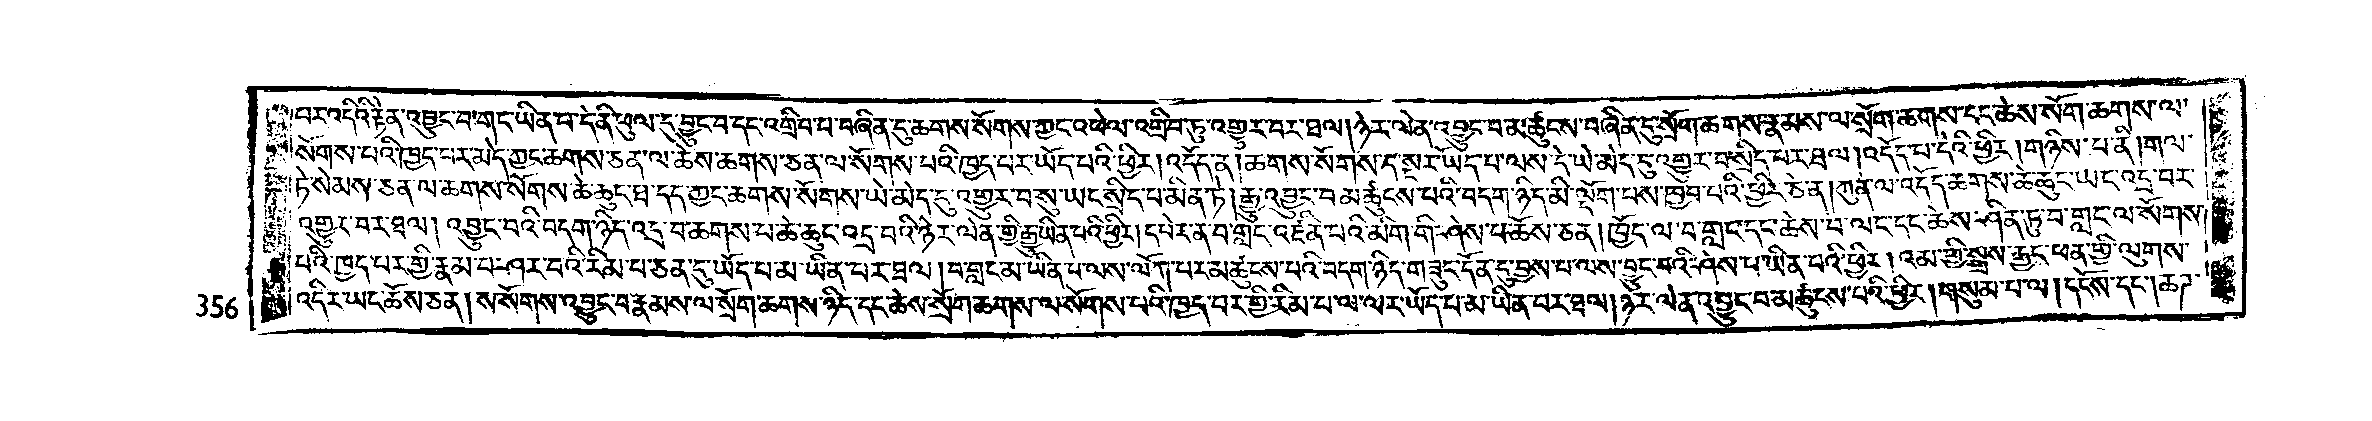པར་འདིའི་རྟེན་འབྱུང་བ་གང་ཡིན་པ་དེ་ནི་ཕུལ་དུ་བྱུང་བ་དང་འགྲིབ་པ་བཞིན་དུ་ཆགས་སོགས་ཀྱང་འཕེལ་འགྲིབ་ཏུ་འགྱུར་བར་ཐལ། ཉེར་ལེན་འབྱུང་བ་མཚུངས་བཞིན་དུ་སྲོག་ཆགས་རྣམས་ལ་སྲོག་ཆགས་དང་ཆེས་སོག་ཆགས་ལ་
སོགས་པའི་ཁྱད་པར་མེད་ཀྱང་ཆགས་ཅན་ལ་ཆེས་ཆགས་ཅན་ལ་སོགས་པའི་ཁྱད་པར་ཡོད་པའི་ཕྱིར། འདོད་ན། ཆགས་སོགས་ད་སྔར་ཡོད་པ་ལས་དེ་ཡེ་མེད་དུ་འགྱུར་བ་སྲིད་པར་ཐལ། འདོད་པ་དེའི་ཕྱིར། གཉིས་པ་ནི། གལ་
ཏེ་སེམས་ཅན་ལ་ཆགས་སོགས་ཆེ་ཆུང་ཐ་དད་ཀྱང་ཆགས་སོགས་ཡེ་མེད་དུ་འགྱུར་བ་སུ་ཡང་སྲིད་པ་མིན་ཏེ། རྒྱུ་འབྱུང་བ་མཚུངས་པའི་བདག་ཉིད་མི་ལྡོག་པས་ཁྱབ་པའི་ཕྱིར་ཅེ་ན། ཀུན་ལ་འདོད་ཆགས་ཆེ་ཆུང་ཡང་འདྲ་བར་
འགྱུར་བར་ཐལ། འབྱུང་བའི་བདག་ཉིད་འདྲ་བ་ཆགས་པ་ཆེ་ཆུང་འདྲ་བའི་ཉེར་ལེན་གྱི་རྒྱུ་ཡིན་པའི་ཕྱིར། དཔེར་ན་བ་གླང་འཛིན་པའི་མིག་གི་ཤེས་པ་ཆོས་ཅན། ཁྱོད་ལ་བ་གླང་དང་ཆེས་བ་ལང་དང་ཆེས་ཤིན་ཏུ་བ་གླང་ལ་སོགས་
པའི་ཁྱད་པར་གྱི་རྣམ་པ་ཤར་བའི་རིམ་པ་ཅན་དུ་ཡོད་པ་མ་ཡིན་པར་ཐལ། བ་གླང་མ་ཡིན་པ་ལས་ལོག་པར་མཚུངས་པའི་བདག་ཉིད་གཟུང་དོན་དུ་བྱས་པ་ལས་བྱུང་བའི་ཤེས་པ་ཡིན་པའི་ཕྱིར། འམ་ཕྱི་སྒྲས་རྒྱང་ཕན་གྱི་ལུགས་
འདིར་ཡང་ཆོས་ཅན། ས་སོགས་འབྱུང་བ་རྣམས་ལ་སྲོག་ཆགས་ཉིད་དང་ཆེས་སྲོག་ཆགས་ལ་སོགས་པའི་ཁྱད་པར་གྱི་རིམ་པ་ལ་ལར་ཡོད་པ་མ་ཡིན་པར་ཐལ། ཉེར་ལེན་འབྱུང་བ་མཚུངས་པའི་ཕྱིར། གསུམ་པ་ལ། དངོས་དང་། ཆཌ་